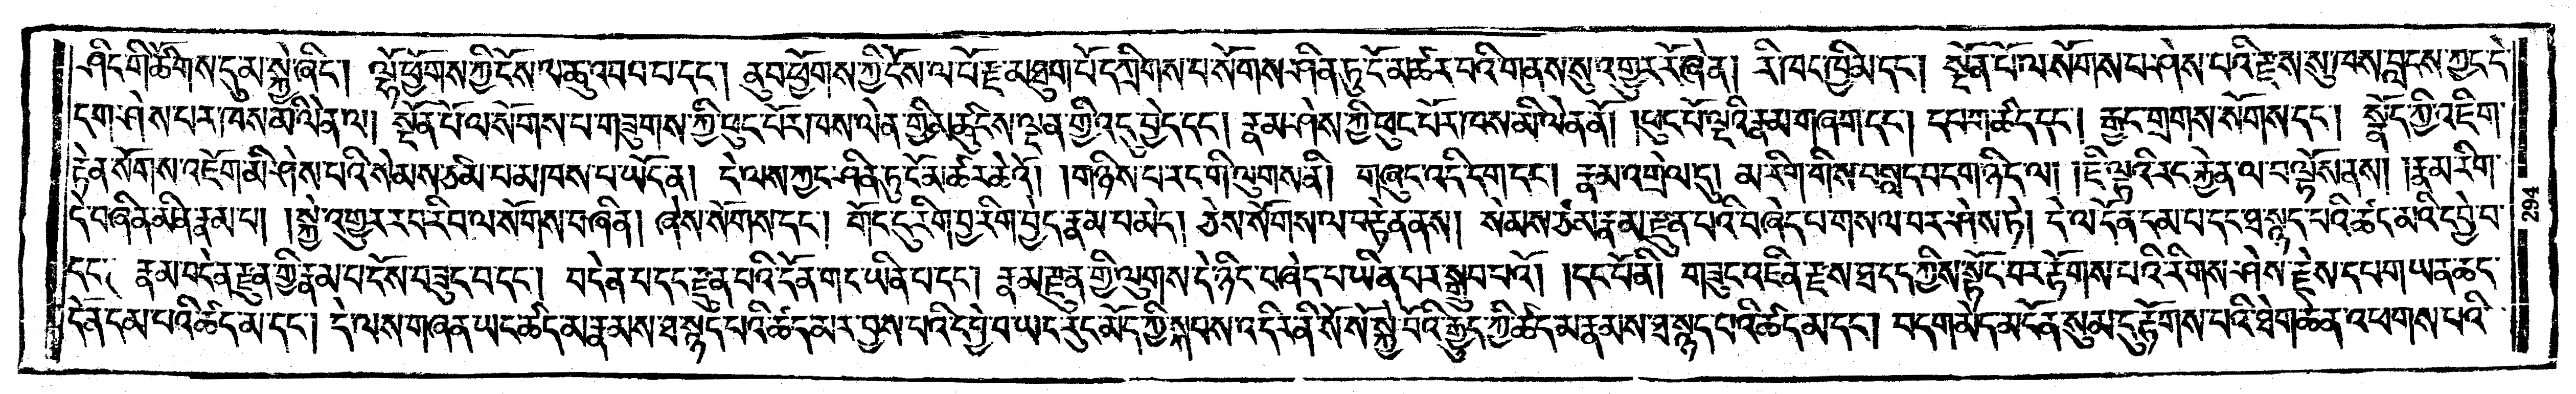ཤིང་གི་ཚོགས་དུ་མ་སྐྱེ་ཞིང་། ལྷོ་ཕྱོགས་ཀྱི་ངོས་ལ་ཆུ་འབབ་པ་དང་། ནུབ་ཕྱོགས་ཀྱི་ངོས་ལ་བོ་རྫ་མཐུག་པོ་དཀྲིགས་པ་སོགས་ཤིན་ཏུ་ངོ་མཚར་བའི་གནས་སུ་འགྱུར་རོ་ཞེ་ན། རི་ཁང་ཁྱིམ་དང་། སྔོན་པོ་ལ་སོགས་པ་ཤེས་པའི་རྫས་སུ་ཁས་བླངས་ཀྱང་དེ་
དག་ཤེས་པར་ཁས་མི་ལེན་ལ། སྔོན་པོ་ལ་སོགས་པ་གཟུགས་ཀྱི་ཕུང་པོར་ལེན་གྱི་མཚུངས་ལྡན་གྱི་འདུ་བྱེད་དང་། རྣམ་ཤེས་ཀྱི་ཕུང་པོར་ཁས་མི་ལེན་ནོ། །ཕུང་པོ་ལྔའི་རྣམ་གཞག་དང་། དཔག་ཚད་དང་། རྒྱང་གྲགས་སོགས་དང་། སྣོད་ཀྱི་འཇིག་
རྟེན་སོགས་འཇོག་མི་ཤེས་པའི་སེམས་ཙམ་པ་མ་ཁས་པ་ཡོད་ན། དེ་ལས་ཀྱང་ཤིན་ཏུ་ངོ་མཚར་ཆེའོ། །གཉིས་པ་རང་གི་ལུགས་ནི། གཞུང་འདི་དག་དང་། རྣམ་འགྲེལ་དུ། མ་རིག་གིས་བསླད་བདག་ཉིད་ལ། །ཇི་ལྟའི་རང་རྐྱེན་ལ་བལྟོས་ནས། །རྣམ་རིག་
དེ་བཞིན་མིན་རྣམ་པ། །སྐྱེ་འགྱུར་རབ་རིབ་ལ་སོགས་བཞིན། ཞེས་སོགས་དང་། གོང་དུ་རིག་བྱ་རིག་བྱེད་རྣམ་པ་མེད། ཅེས་སོགས་ལ་བརྟེན་ནས། སེམས་ཙམ་རྣམ་རྫུན་པའི་བཞེད་པ་གསལ་བར་ཤེས་ཏེ། དེ་ལ་དོན་དམ་པ་དང་ཐ་སྙད་པའི་ཚད་མའི་དབྱེ་བ་
དང་། རྣམ་བདེན་རྫུན་གྱི་རྣམ་པ་ངོས་བཟུང་བ་དང་། བདེན་པ་དང་རྫུན་པའི་དོན་གང་ཡིན་པ་དང་། རྣམ་རྫུན་གྱི་ལུགས་དེ་ཉིད་བཞེད་པ་ཡིན་པར་སྒྲུབ་པའོ། །དང་པོ་ནི། གཟུང་འཛིན་རྫས་ཐ་དད་ཀྱིས་སྟོང་བར་རྟོགས་པའི་རིགས་ཤེས་རྗེས་དཔག་ཡན་ཆད་
དོན་དམ་པའི་ཚད་མ་དང་། དེ་ལས་གཞན་ཡང་ཚད་མ་རྣམས་ཐ་སྙད་པའི་ཚད་མར་བྱས་པའི་དབྱེ་བ་ཡང་རུང་མོད་ཀྱི་སྐབས་འདིར་ནི་སོ་སོ་སྐྱེ་བོའི་རྒྱུད་ཀྱི་ཚད་མ་རྣམས་ཐ་སྙད་པའི་ཚད་མ་དང་། བདག་མེད་མངོན་སུམ་དུ་རྟོགས་པའི་ཐེག་ཆེན་འཕགས་པའི་